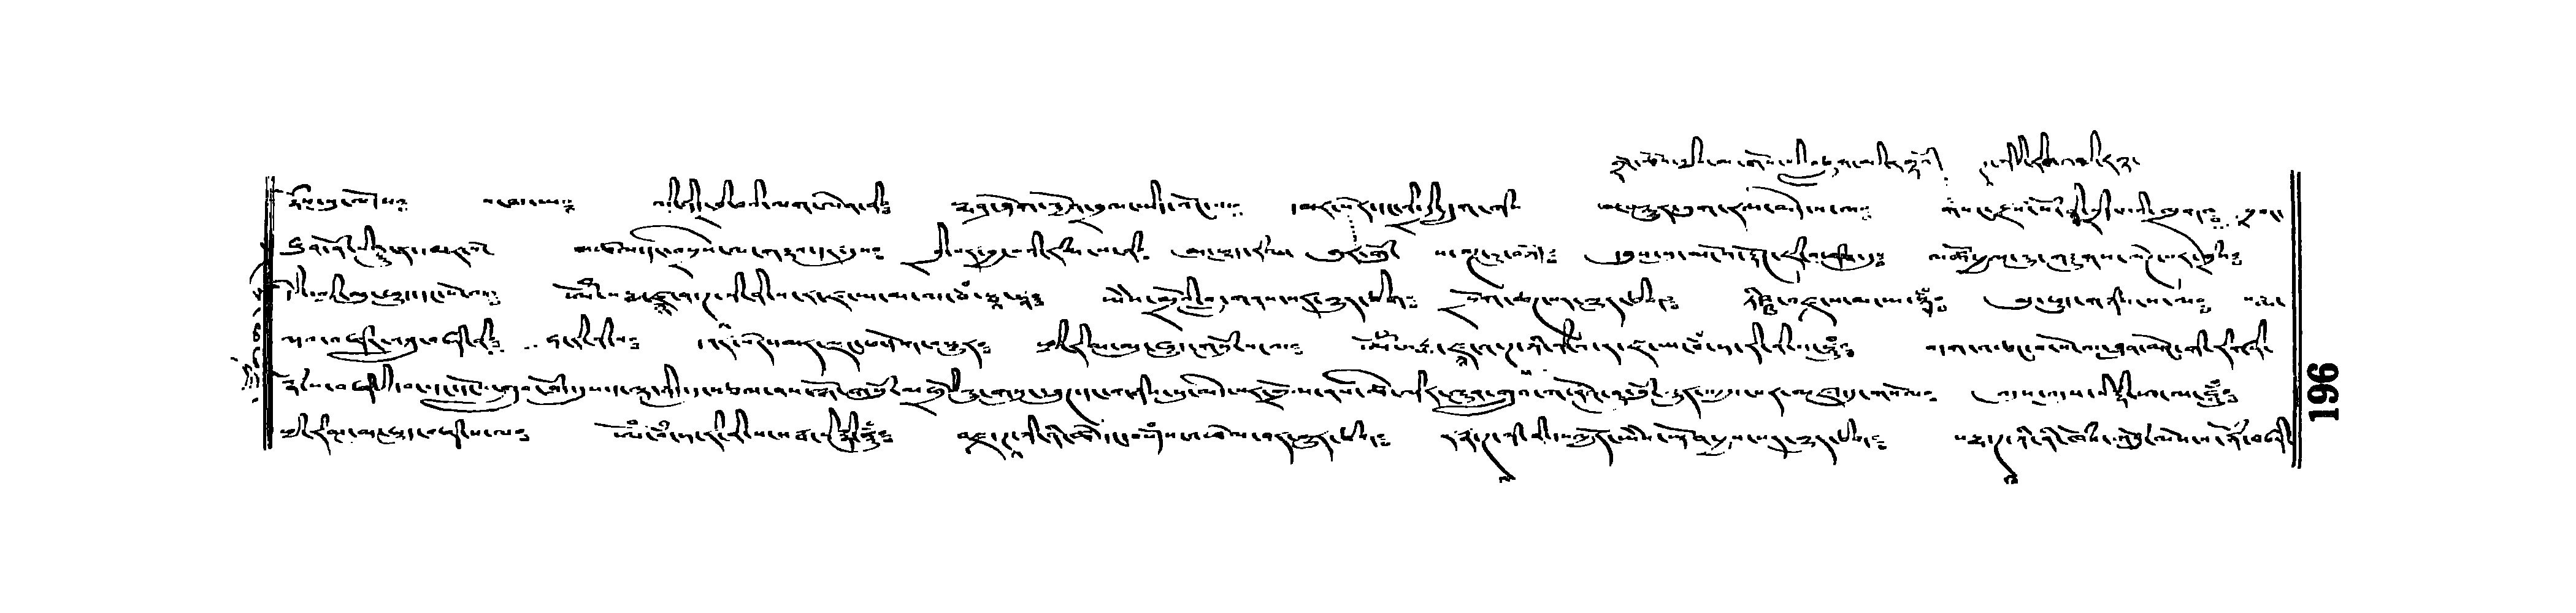ཉམས་སུ་ལོངས༔ ས་མ་ཡ༔ འདི་ཉིད་བྲི་བའི་ལག་ལེན་ནི༔ སྨན་ཤོག་སྐྱོན་བྲལ་ཡིད་འོང་ལ༔ དམར་སོར་དག་ནི་དྲི་དྲུག་གི༔ ཁ་བསྒྱུར་བུག་རལ་མེད་པ་ལ༔ གསང་རྫས་སམ་ནི་སྲིད་པའི་ཁྲག༔ བྲག་
ཞུན་ནམ་སིནྡྷུ་ར་དམར་པོ༔ མཚལ་དང་བསྲེས་ལ་གཟའ་དར་དུས༔ བྲི་བར་བྱ་བའི་རིམ་པ་ནི༔ མུ་ཁྱུད་རིམ་པ་ལྔ་རུ་བཀོད༔ དབུས་སུ་མངོན་རྟོགས་ཇི་བཞིན་དུ༔ མཚོ་རྒྱལ་སྐུ་གཟུགས་ལེགས་པར་བྲིས༔ 
དེའི་ཕྱི་མུ་ཁྱུད་དང་པོ་ལ༔ ཨོཾ་པདྨ་ཛྙཱ་ན་ཌཱ་ཀི་ནི་ས་ར་ཛ་ཡ་མ་མ་བྃ་སྭཱ་ཧཱ༔ ཡེ་ཤེས་མཁའ་འགྲོའི་བླ་གནས་པར་གྱུར་ཅིག༔ སྲོག་ཆགས་པར་གྱུར་ཅིག༔ཏིཥྛ་བཛྲ་ས་མ་ཡ་སྟྭྃཿ མུ་ཁྱུད་གཉིས་པ་ལ༔ པདྨ་
འདབ་བཞིར་འབྲུ་བཞི་ནི༔ དཀར་སེར་དམར་ལྗང་ཁ་དོག་བསྒྱུར༔ ཕྱི་རིམ་མུ་ཁྱུད་གསུམ་པ་ལ༔ ཨོཾ་པདྨ་ཛྙཱ་ན་ཌཱ་ཀི་ནི་ས་ར་ཛ་ཡ་བྃ་ཧ་རི་ནི་ས་ཧཱུྃ༔ བདག་འཆང་བ་པོ་ལ་ཐུན་མོང་གི་རིག་འཛིན་
རྣམ་པ་བཞིའི་དབང་དང་དངོས་གྲུབ་ཐམས་ཅད་དུས་ད་ལྟ་ཉིད་དུ་བསྩལ་ནས་སྒོ་གསུམ་མཁའ་འགྲོའི་སྐུ་གསུང་ཐུགས་དང་གཉིས་སུ་མེད་པར་གྲོལ་ནས་ཚེ་འདིར་ལྷུན་གྲུབ་གཞོན་ནུ་བུམ་སྐུར་སངས་རྒྱས་པར་མཛད་དུ་གསོལ༔ འདུས་འདུས་སིདྡྷི་ཕ་ལ་ཧཱུྃ༔ 
ཕྱི་རིམ་མུ་ཁྱུད་བཞི་པ་ལ༔ ཨོཾ་བྃ་ཧ་རི་ནི་ས་སརྦ་སིདྡྷི་ཧཱུྃ༔ བཛྲ་ཌཱ་ཀི་ནི་ཚེ་དང་བསོད་ནམས་འཕེལ་བར་གྱུར་ཅིག༔ རཏྣ་ཌཱ་ཀི་ནི་དཔལ་འབྱོར་ཡེ་ཤེས་ཡོན་ཏན་རྒྱས་པར་གྱུར་ཅིག༔ པདྨ་ཌཱ་ཀི་ནི་ཁམས་གསུམ་མོས་པ་རྣམ་བཞི་